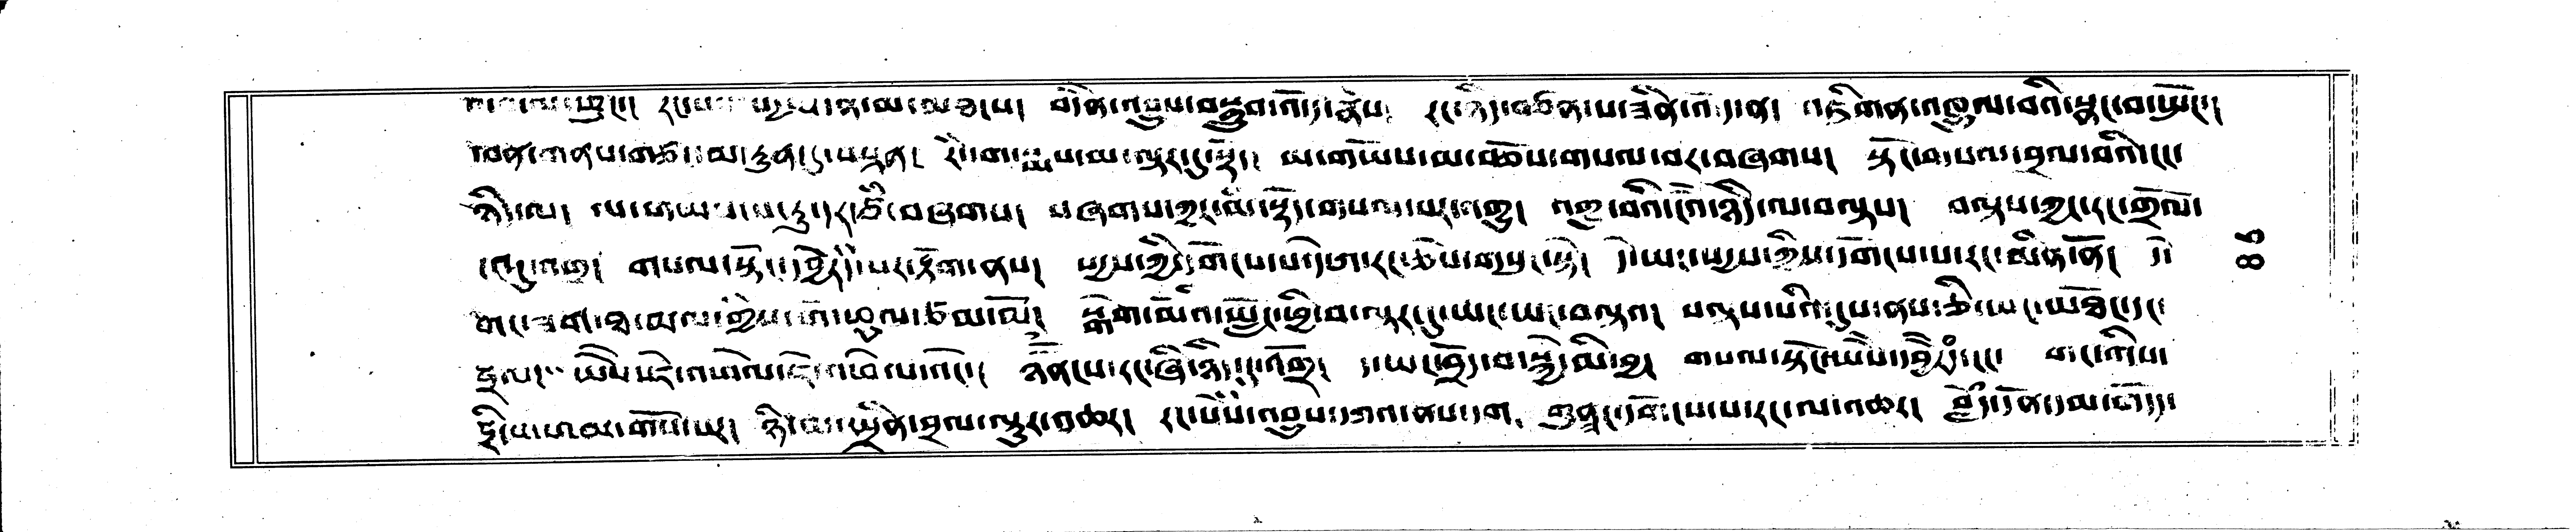འདའ་ལ་ཕུང་། རང་སེམས་སངས་རྒྱས་དོན་མ་མཐོང་། བདེ་ཆེན་འབྲས་བུ་བསྒྲུབ་འདོད་རྣམས། རང་ཉིད་བཙན་ས་ཟིན་འདོད་ན། འཇིག་རྟེན་འཁྲུལ་པའི་སྣང་བ་སྤོང་། 
དབེན་གནས་གཙང་མ་རྒྱུན་དུ་བསྟེན། རི་དྭགས་སྨས་མ་ལྟར་དུ་སྡོད། མ་གཡོས་མ་བཅོས་གསལ་བར་བཞག སྟོང་གསལ་བྲལ་བའི་ངང་
ཉིད་ལ། མ་གཡོས་པ་རུ་དར་ཙམ་བཞག བཞག་ཀྱང་མི་སྡོད་གསལ་བར་འགྱུ། འགྱུ་བའི་ངོ་བོ་ཉིད་ལ་བལྟས། བལྟས་ཀྱང་རང་གྲོལ་ངང་དུ་འགྲོ། 
གསལ་སྟོང་དབྱེར་མེད་པར་རྟོགས་ནས། སངས་རྒྱས་ཀྱི་དགོངས་པ་དེ་ཀ་རང་། ཅེས་གསུང་སྟེ། དེ་ཡང་སངས་རྒྱས་ཀྱི་དགོངས་པ་རང་མིན་ནོ། དེ་
གང་ཟག་ཐ་མལ་གྱི་གོ་ཡུལ་ཙམ་མོ། སྒེག་མོའི་མེ་ལོང་ཕྱི་བ་ལྟར་དུ་ཡང་ཡང་བལྟ། བལྟས་པའི་དུས་ན་ཅི་ཡང་མཐོང་དང་
བྲལ། ཡེ་ཤེས་ཇེ་འཕེལ་ཇེ་འཕེལ་འོང་། ཉོན་མོངས་རང་ཞི་ཉིད་དུ་འགྲོ། ད་ཡང་བྲོད་པ་སྐྱེ་མི་བྱ། གསལ་སྟོང་ཡེ་ཤེས་དབྱེར་མེད་ངང་། གང་གིས་
དྲི་མས་མ་གོས་པར། ཉི་མ་སྤྲིན་བྲལ་ལྟ་བུར་འཆར། རང་སེམས་འབྲས་བུ་ཀ་ནས་དག ཀུན་བཟང་དགོངས་པ་རང་ལ་འཆར། བླ་མེད་དོན་དམ་གདོད་